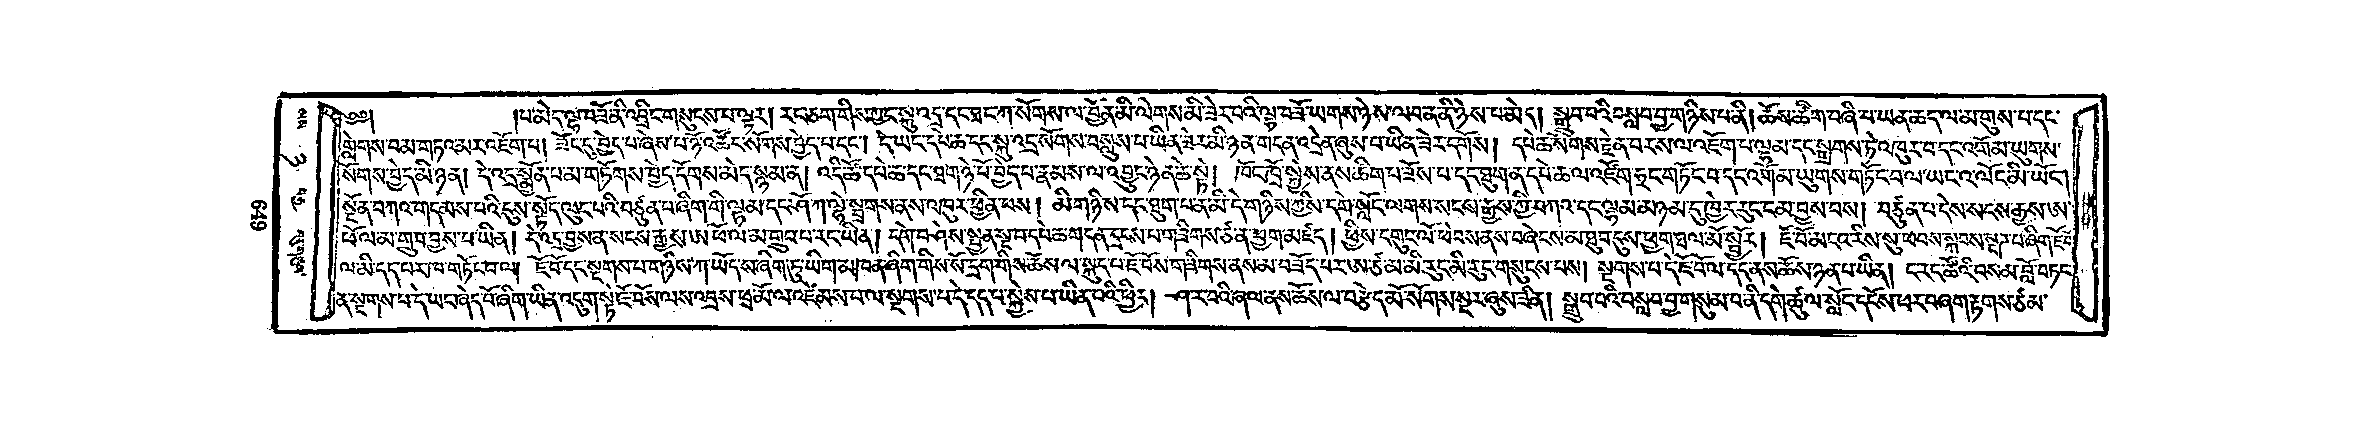༄༅། །པ་མེད་ལྷ་བཟོ་ནི་འབྲིང་གསུངས་པ་ལྟར། རང་ཅག་གིས་ཀྱང་སྐུ་འདྲ་དང་ཐང་ཀ་སོགས་ལ་བྱོན་མི་ལེགས་མི་ཟེར་བའི་ལྷ་བཟོ་ཡགས་ཉེས་ལབ་ན་ནི་ཉེས་པ་མེད། སྒྲུབ་པའི་བསླབ་བྱ་གཉིས་པ་ནི། ཆོས་ཚིག་བཞི་པ་ཡན་ཆད་ལ་མ་གུས་པ་དང་
གླེགས་བམ་གཏའ་མར་འཇོག་པ། ཟོང་དུ་བྱེད་པ་ཞེས་པ་ཉོ་འཚོང་སོགས་བྱེད་པ་དང་། དེ་ཡང་དཔེ་ཆ་དང་སྐུ་འདྲ་སོགས་བསླུས་པ་ཡིན་ཟེར་མི་ཉན་གདན་འདྲེན་ཞུས་པ་ཡིན་ཟེར་དགོས། དཔེ་ཆ་སོགས་རྗེན་པར་ས་ལ་འཇོག་པ་ལྷམ་དང་སྒྲགས་ཏེ་འཁུར་བ་དང་འགོམ་ཡུགས་
སོགས་བྱེད་མི་ཉན། དེ་འདྲ་སྨྱོན་པ་མ་གཏོགས་བྱེད་དོགས་མེད་སྙམ་ན། འདི་ཚོ་དཔེ་ཆ་དང་ཐག་ཉེ་པོ་བྱེད་པ་རྣམས་ལ་འབྱུང་ཉེན་ཆེ་སྟེ། ཁོང་ཁྲོ་སྐྱེས་ནས་ཚིག་པ་ཟོས་པ་དང་ཐུག་ན་དཔེ་ཆ་ལ་འཛོག་ཧྲང་གཏོང་བ་དང་འགོམ་ཡུགས་གཏོང་བ་ལ་ཡང་འ་ལོང་མི་ཡོང་།
སྔོན་བཀའ་གདམས་པའི་དུས་སྟོད་ལུང་པའི་བཙུན་པ་ཞིག་གི་ལྟམ་དང་ཤོ་ཀ་ལྷེ་སྦྲགས་ནས་འཁུར་ཕྱིན་པས། མི་གཉིས་དང་ཐུག་པ་ན་མི་དེ་གཉིས་ཀྱིས་དགེ་སློང་ལགས་སངས་རྒྱས་ཀྱི་བཀའ་དང་ལྷམ་མཉམ་དུ་ཁྱེར་རུང་ངམ་བྱས་པས། བཙུན་པ་དེས་སངས་རྒྱས་ཨ་
ཕོ་ལ་མ་གྲུབ་བྱས་པ་ཡིན། དེ་འདྲ་བྱས་ན་སངས་རྒྱས་ཨ་ཕོ་ལ་མ་གྲུབ་པ་རང་ཡིན། དགེ་བཤེས་སྤྱན་སྔ་བ་དཔེ་ཆ་གདན་དྲངས་པ་གཟིགས་ཙ་ན་ཕྱག་མཛད། ཕྱིས་དགུང་ལོ་ཕེབས་ནས་བཞེངས་མ་ཐུབ་དུས་ཕྱག་ཐལ་མོ་སྦྱོར། ཇོ་བོ་མངའ་རིས་སུ་ཕབས་སྐབས་སྔགས་པ་ཞིག་ཇོ་བོ་
ལ་མི་དད་པར་ཁ་གཏོང་བ་ལ། ཇོ་བོ་དང་སྔགས་པ་གཉིས་ཀ་ཡོད་ས་ཞིག་ཏུ་ཡིག་མཁན་ཞིག་གིས་སོ་དྲག་གིས་ཆོས་ལ་སྐུད་པ་ཇོ་བོས་གཟིགས་ནས་མ་བཟོད་པར་ཨ་ཙ་མ་མི་རུང་མི་རུང་གསུངས་པས། སྔགས་པ་དེ་ཇོ་བོ་ལ་དད་ནས་ཆོས་ཉན་པ་ཡིན། ང་རང་ཚོའི་བསམ་བློ་བཏང་
ན་སྔགས་པ་དེ་ཡང་ཞེད་པོ་ཞིག་ཡིན་འདུག་སྟེ་ཇོ་བོས་ལས་འབྲས་ཕྲ་མོ་ལ་འཛེམས་པ་ལ་སྔགས་པ་དེ་དད་པ་སྐྱེས་པ་ཡིན་པའི་ཕྱིར། ཤ་ར་བའི་ཞལ་ནས་ཆོས་ལ་བརྩེད་མོ་སོགས་སྔར་ཞུས་ཟིན། སྒྲུབ་པའི་བསླབ་བྱ་གསུམ་པ་ནི་དགེ་ཚུལ་སློང་དངོས་ཕར་བཞག་རྟགས་ཙམ་